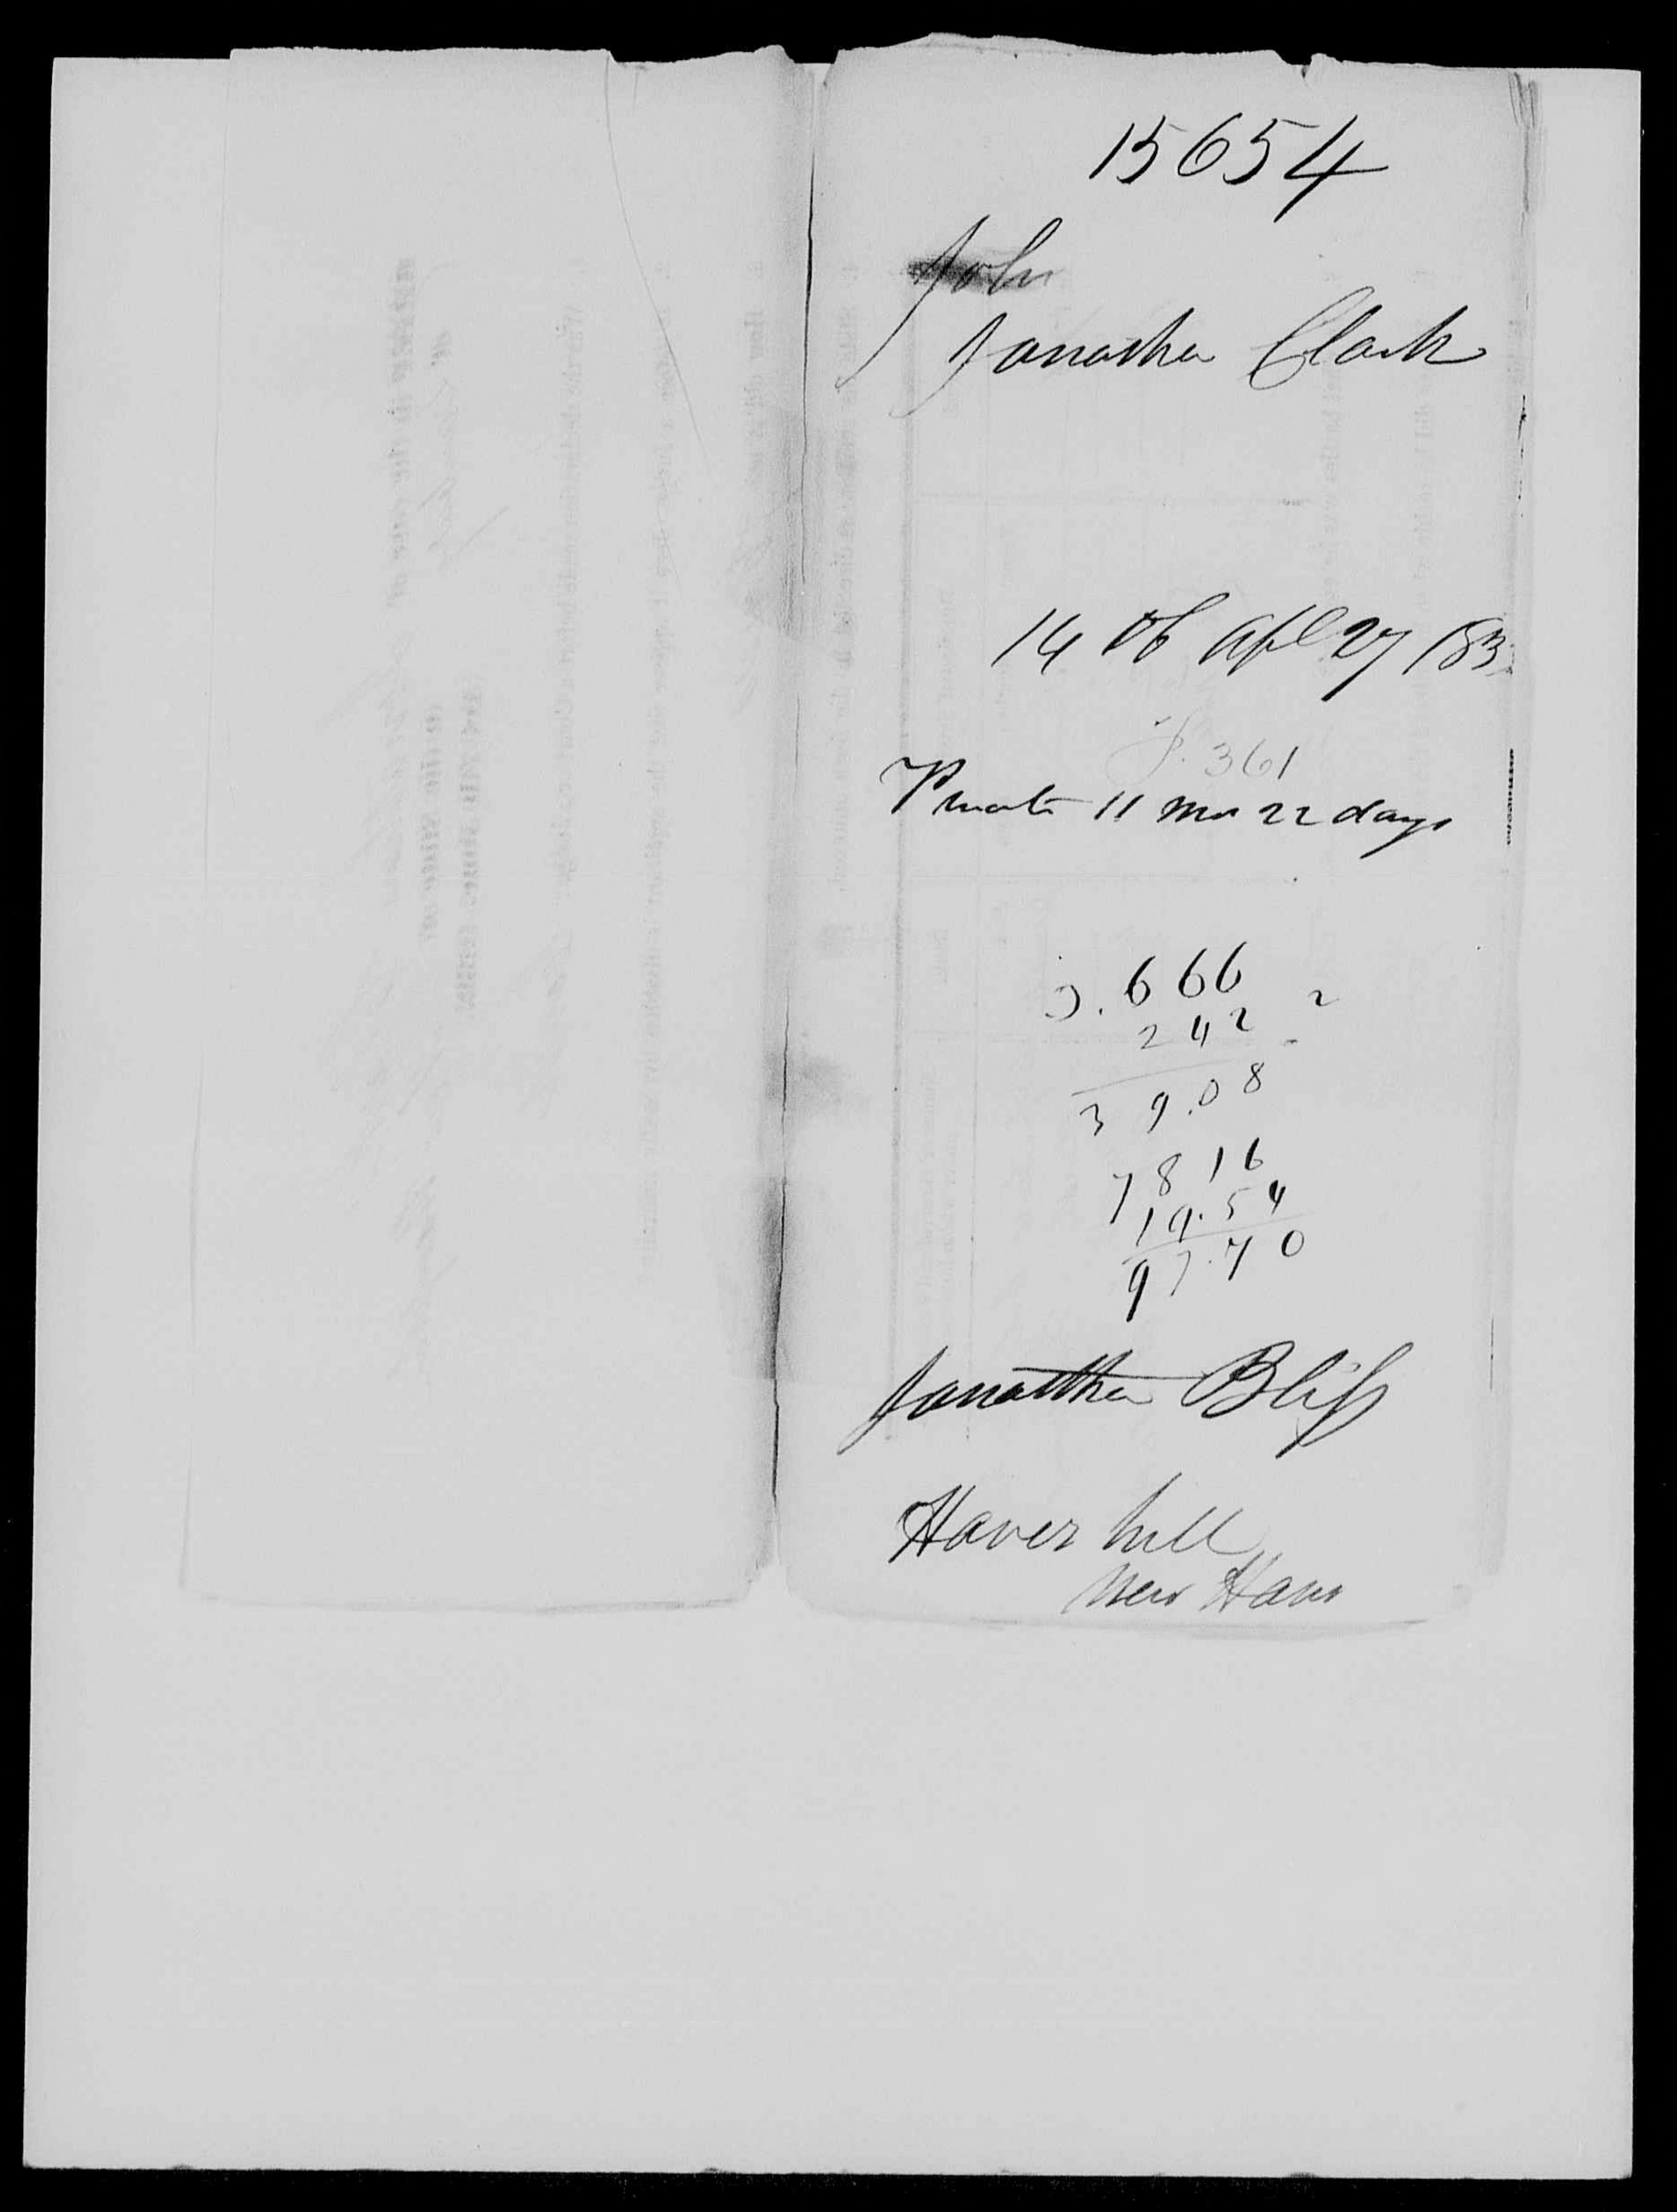15654
JonathanClark
M
14 of Apl 27 1833,
361
Private 11 mo 22 days
666
242
2
9.08
78
16
1940
9
Jonathan Bliss
Haverhill
New Haven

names: Jonatha Bliss, John, Jonatha Clark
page: 5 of 18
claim: survivor's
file: S. 12,512, Jonathan Clark, Mass. N.H.